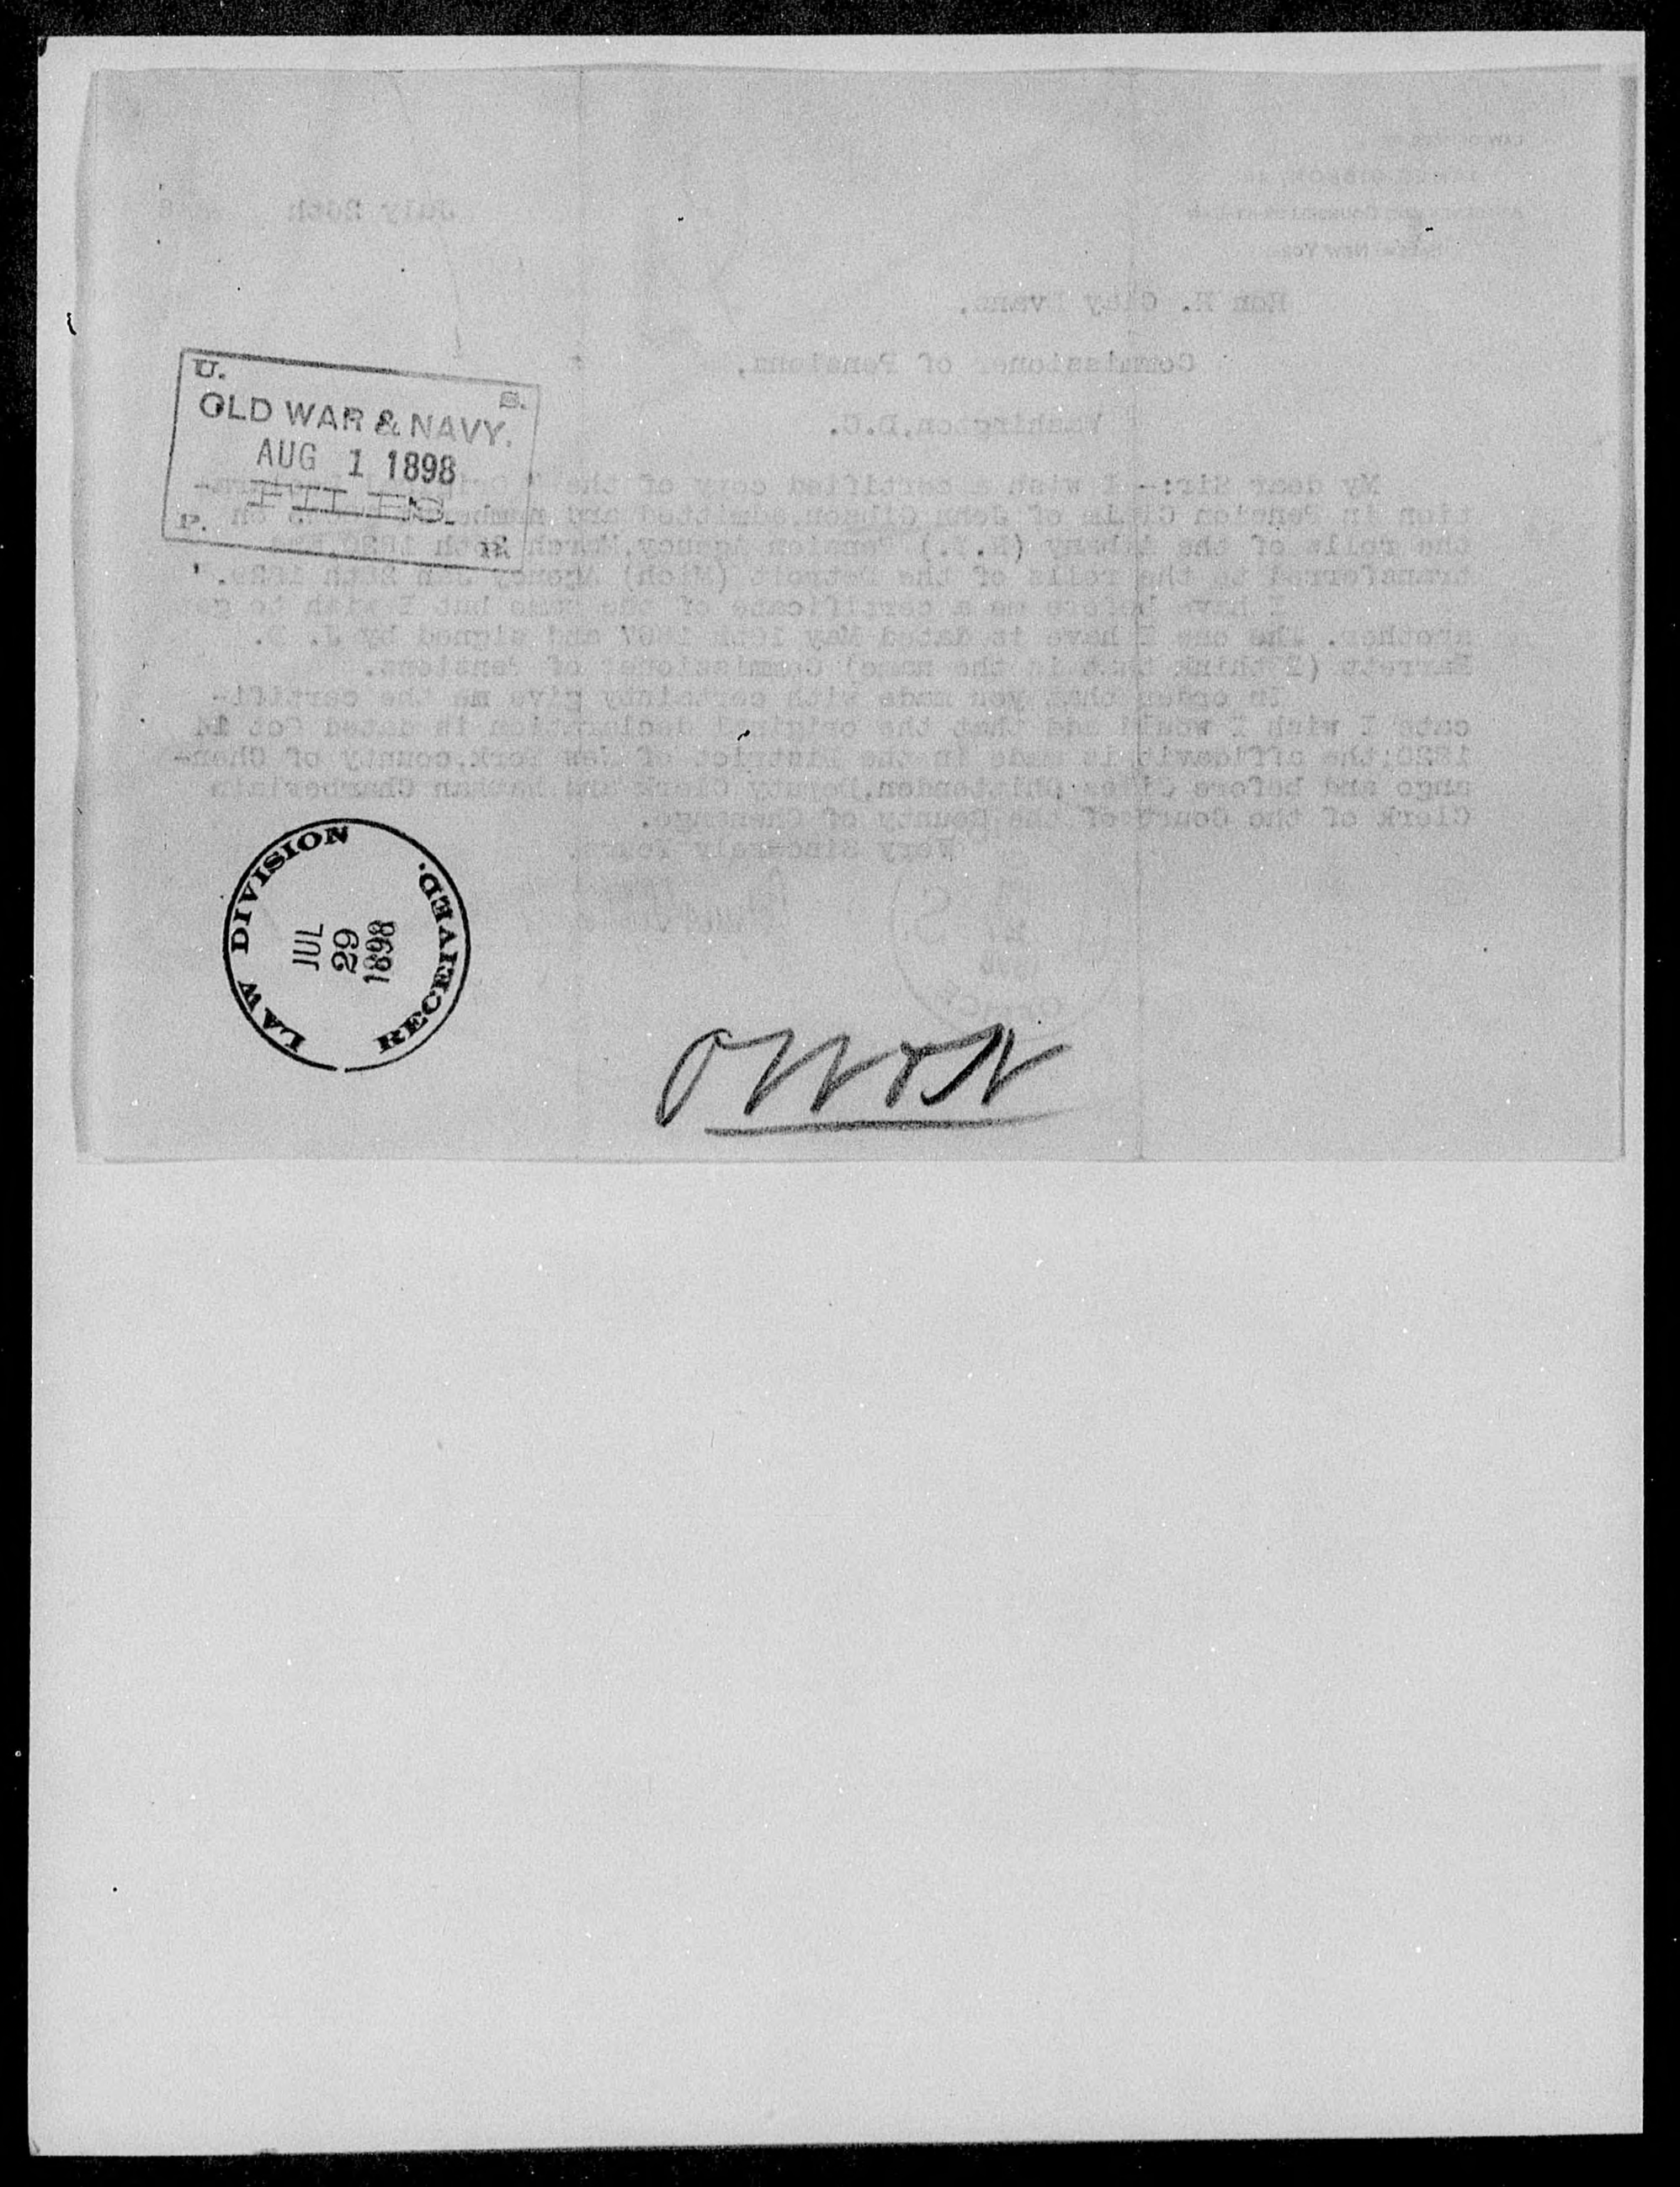[stamp] U. S. P. P.  OLD WAR & NAVY FILES AUG 1 1898



[stamp] Law Division Received JUL 29 1898

[illegible]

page: 27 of 32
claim: survivor's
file: S. 34899, John Gibson, R.I.